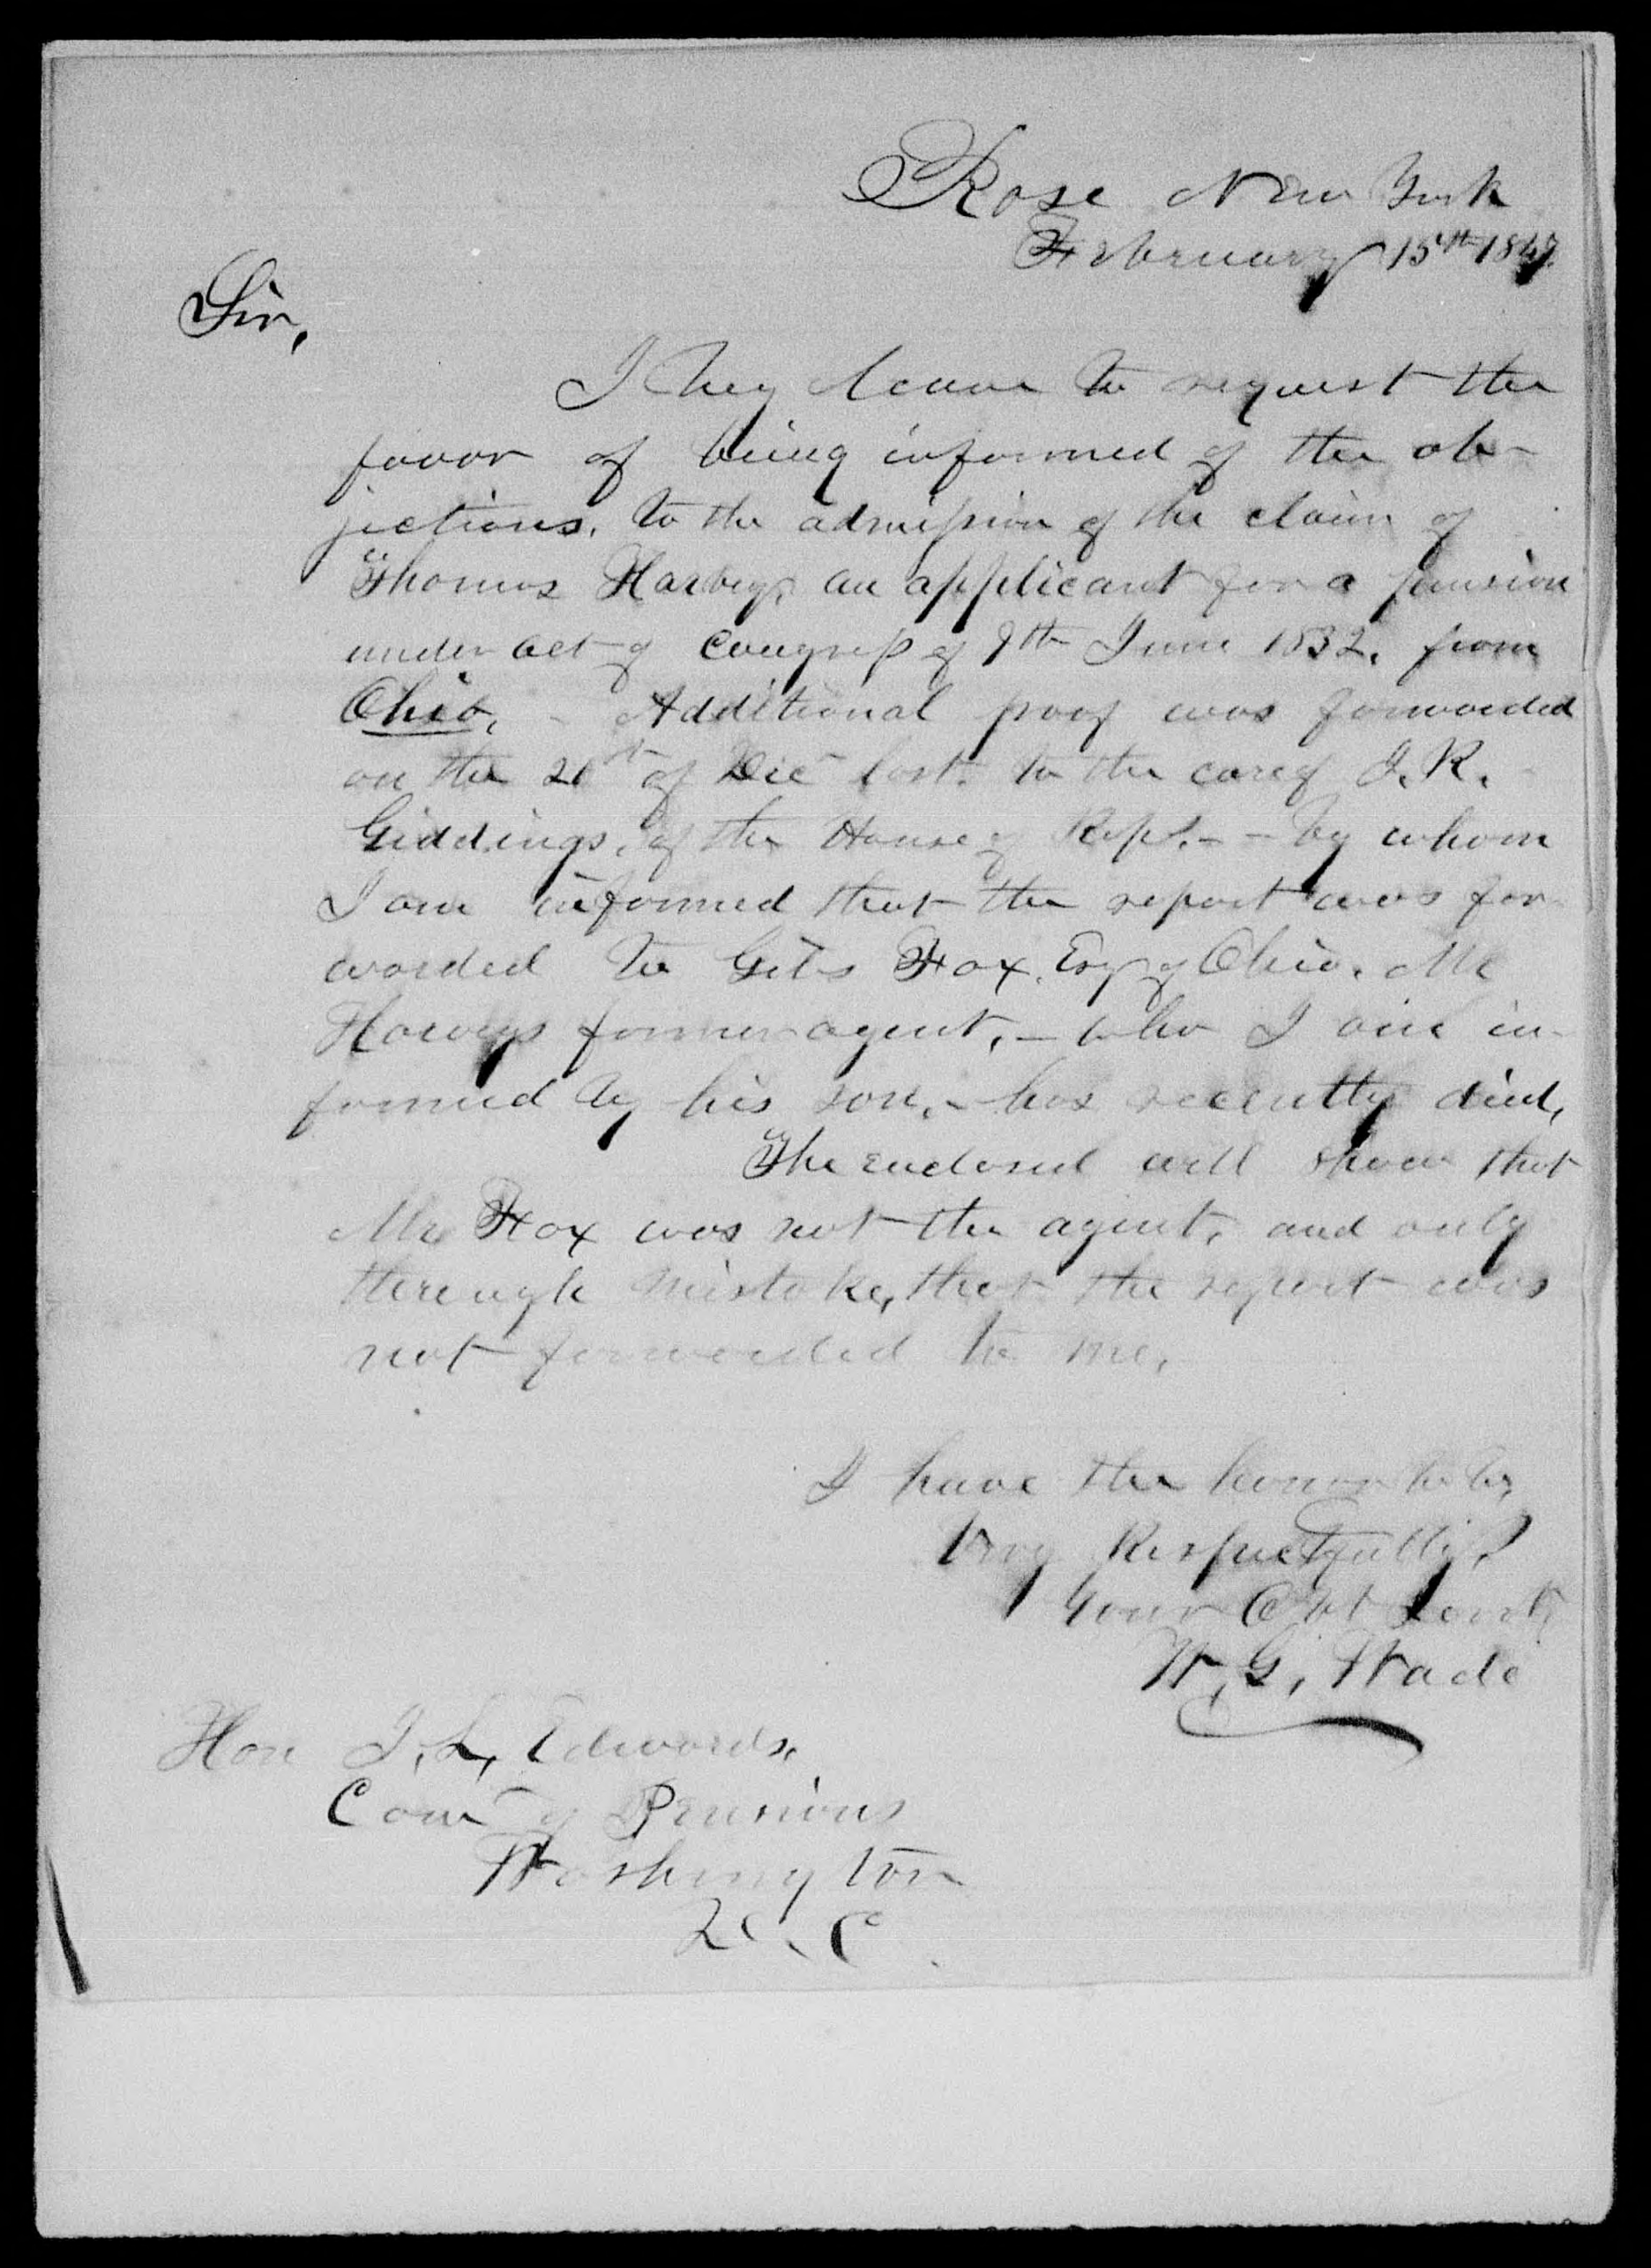[handwritten letter]
Rose New York
February 15th 1847

Sir, 
I beg leave to request the favor of being informed of the objections to the admissions of the claim of Thomas Harvey, an applicant for a pension under act of Congress 7th June 1832, from Ohio. - Additional proof was forwarded on the 26th of Dec'r last, to the care of J. R. Giddings of the House of Reps. - by whom I am informed that the report was forwarded to Giles Fox, Esq of Ohio. Mr. Harvey's former agent. - who I am informed by his son, has recently died, 
The enclosed will show that Mr. Fox was not the agent, and only through mistake, that the request was not forwarded to me.
I have the honor to be Very Respectfully, Your Obt. Serv't
/s/W. G. Wade
Hon J. L. Edwards,
Com'r of Pensions
Washington D.C.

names: J L Edwards, W G Wade, Fox, Thomas Harvey, Giles Fox, Harvey, J R Giddings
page: 46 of 80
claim: survivor's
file: S. 18008, Thomas Harvey, N.H.